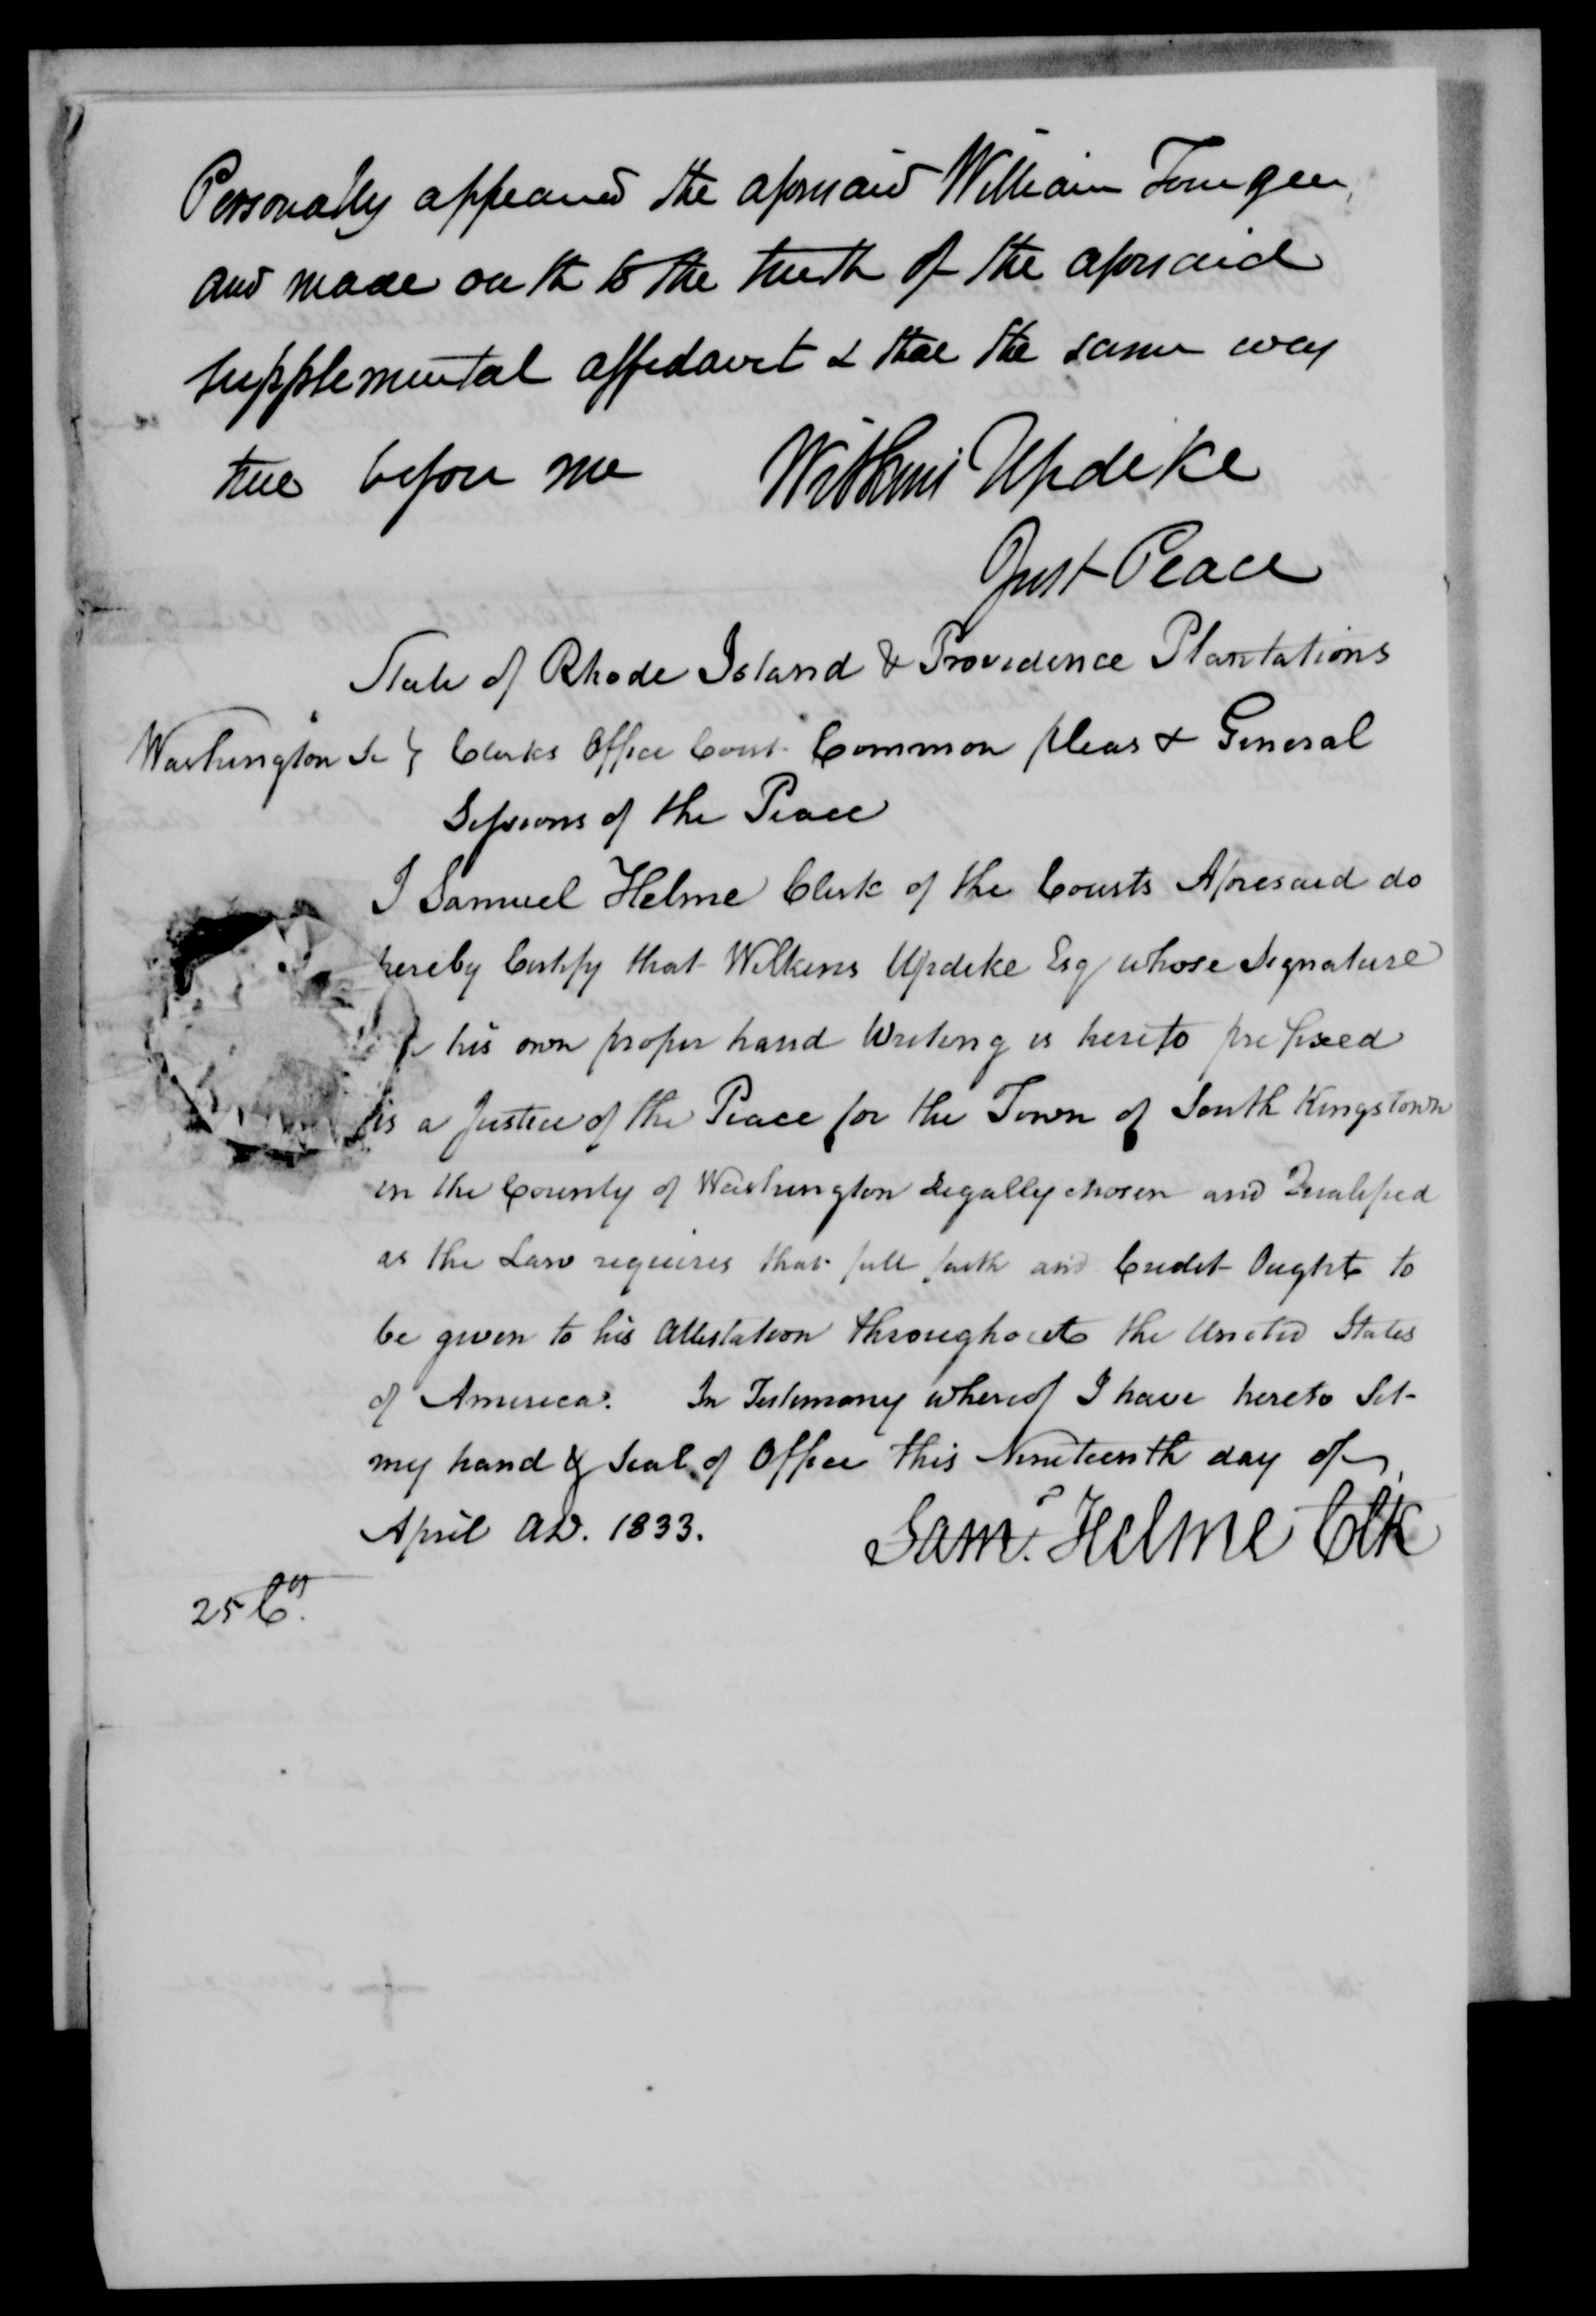Personally appeared the aforesaid William Tourgee and made oath to the truth of the aforesaid supplemental affidavit & that the same was true before me
Wilkins Updike
Just Peace

State of Rhode Island & Providence Plantations
Washington 
Clerks Office Court Common Please & General Sessions of the Peace
I Samuel Helme Clerk of the Courts aforesaid do hereby certify that Wilkins Updike Esq whose signature [obscured] his own proper hand writing is hereto prefixed is a Justice of the Peace for the Town of South Kingstown in the County of Washington legally chosen and qualified as the Law requires that full faith and Credit ought to be given to his attestation throughout the United States of America. In Testimony whereof I have hereto set my hand & seal of office this nineteenth day of April AD 1833
Saml Helme Clk

25Cn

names: Wilkins Updike, Saml Helme, William Tourgee, Wilkins Updeke, Samuel Helme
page: 12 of 21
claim: survivor's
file: S. 21537, William Tourgee, R.I.